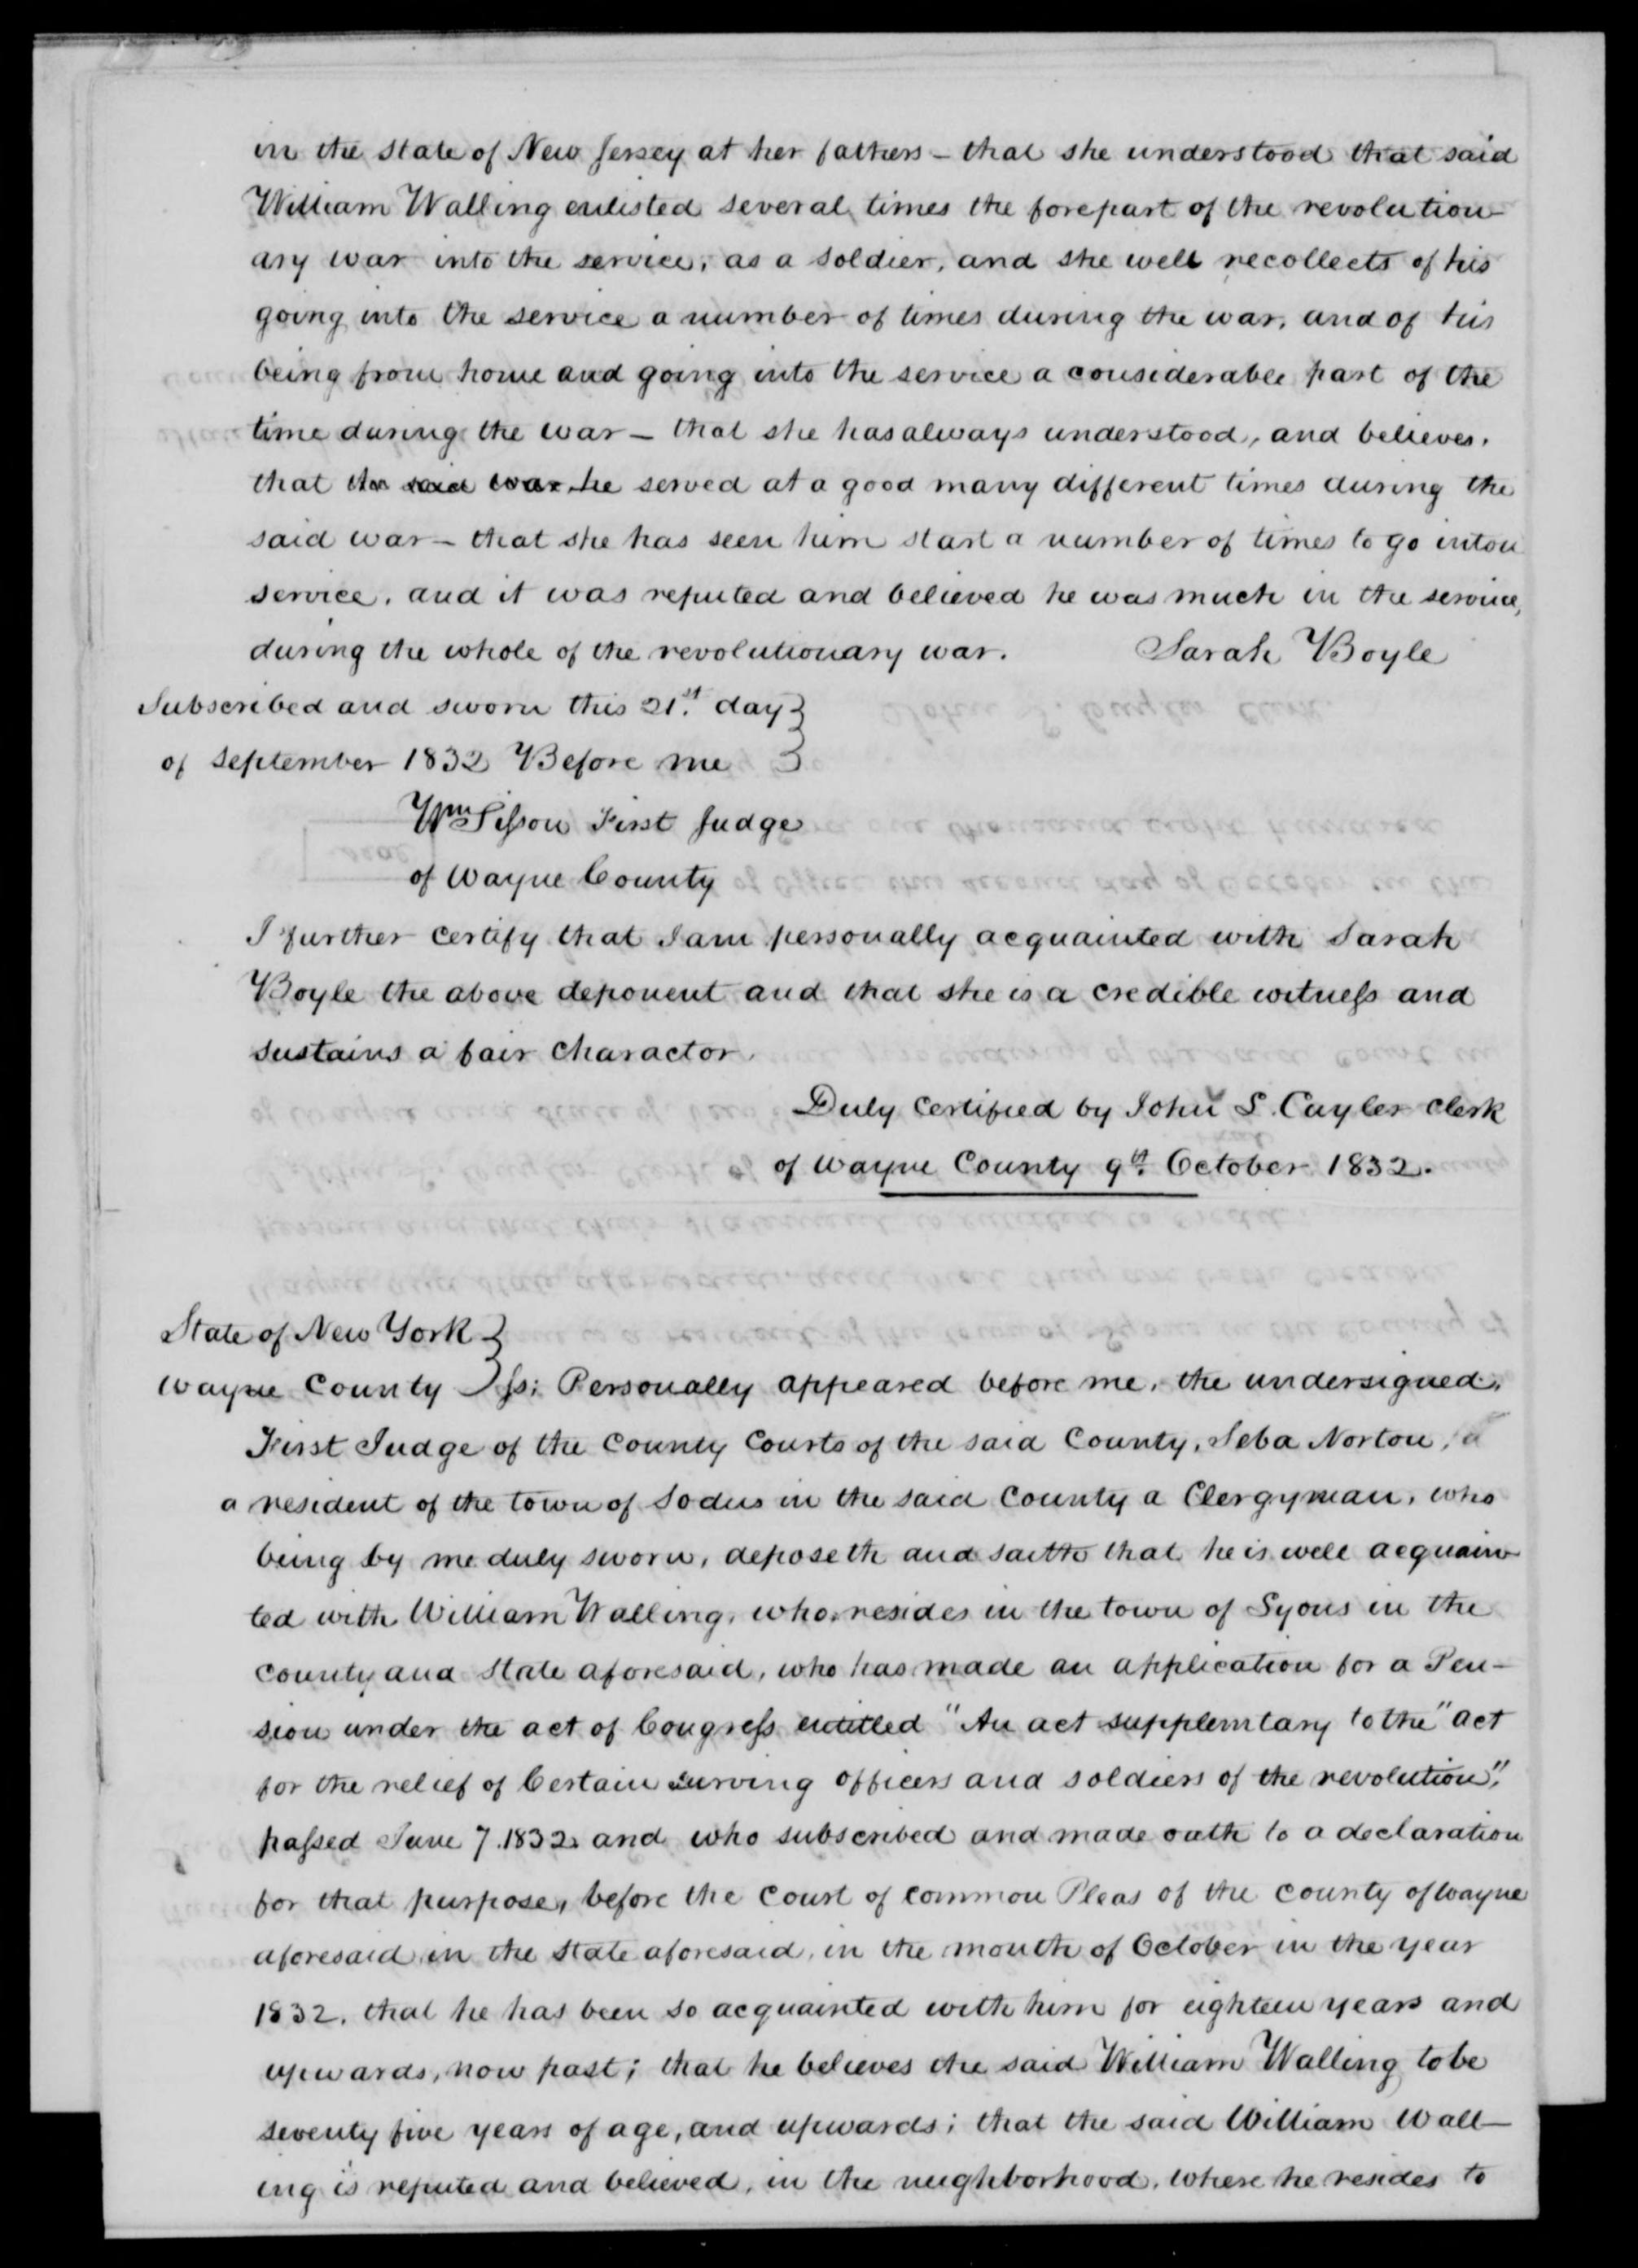in the State of New Jersey at her father's - that she understood that said William Walling enlisted several times the forepart of the revolutionary war into the service, as a soldier, and she well recollects of his going into the service a number of times during the war, and of his being from home and going into the service a considerable part of the time during the war - that she has always understood, and believes, that he served a good many different times during the said war - that she has seen him start a number of times to go into service, and it was reputed and believed he was much in the service during the whole of the revolutionary war. Sarah Boyle
Subscribed and sworn this 21st day of September 1832 Before me Wm Sisson First Judge of Wayne County
I further certify that I am personally acquainted with Sarah Boyle the above deponent and that she is a credible witness and sustains a fair character. Duly Certified by John L Cuyler Clerk of Wayne County 9th October 1832

State of New York 
Wayne County, ss
Personally appeared before ,e. the undersigned, First Judge of the County Courts of the said County, Seba Norton, a resident of the town of Sodus in the said County a Clergyman, who being by me duly sworn, deposeth and saith that he is well acquainted with William Walling, who resides in the town of Lyons in the county and State aforesaid, who has made an application for a Pension under the act of Congress entitled  "An act supplementary to the "Act for the relief of certain serving officers and soldiers of the revolution" passed June 7 1832 and who subscribed and made oath to a declaration for that purpose, before the Court of Common Pleas of the county of Wayne aforesaid in the state aforesaid in the month of October in the year 1832, that he has been so acquainted with him for eighteen years and upwards, now past; that he believe the said William Walling to be seventy five years of age, and upwards; that the said William Walling is reputed and believed, in the neighborhood, where he resides to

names: William Walling, William Walling, William Walling, Seba Norton, John L Cuyler, Sarah Boyle, William Walling, Sarah Boyle, Wm Sisson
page: 44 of 66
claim: widow's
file: W. 19588, William Walling, New Jersey